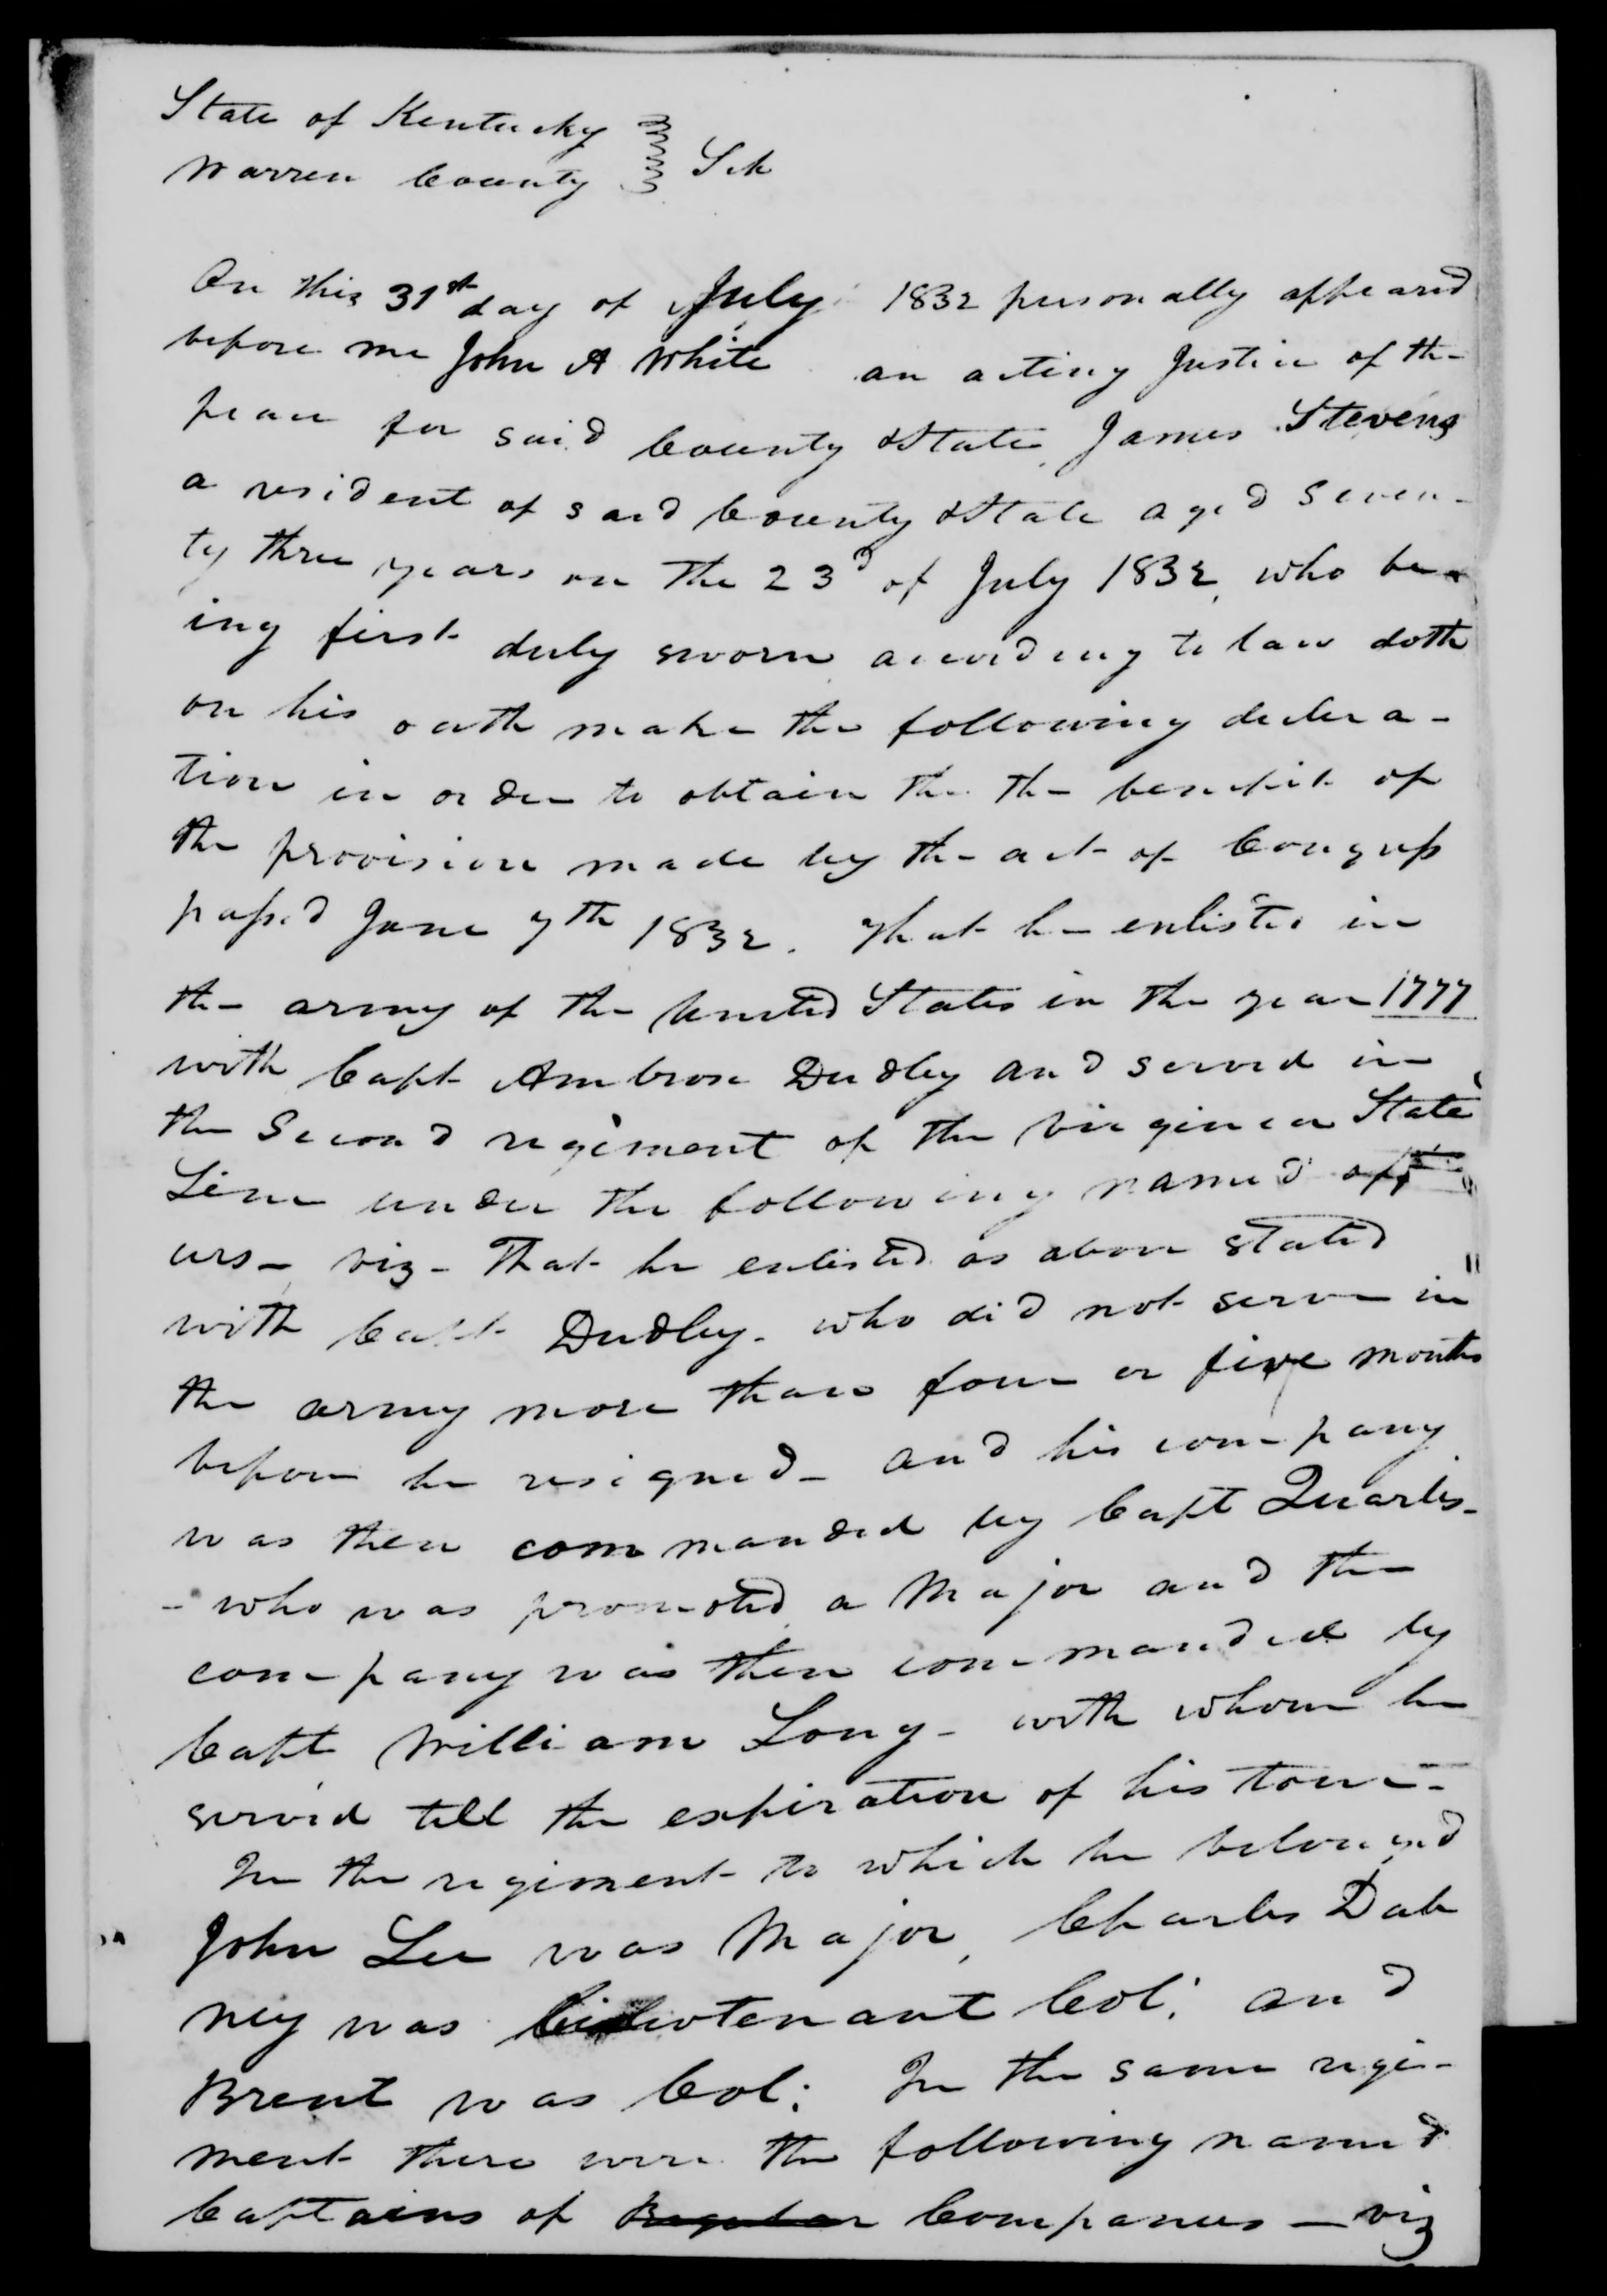State of Kentucky Warren County ⎬ Set On this 31st day of July 1832 personally appeared before me John A White an acting Justice of the ┃ peace for said County & State James Stevens a resident of said County & State aged seventy three years on the 23d of July 1832, who being first duly sworn according to law doth on his oath make the following declaration in order to obtain this the benefit of the provision made by the act of Congress passed June 7th 1832. That he enlisted in the army of the United States in the year 1777 with Capt Ambrose Dudley and served in the second regiment of the Virginia State Line under the following named [illegible] viz. That he enlisted as above stated with Capt Dudley, who did not serve in the army more than four or five months before he resigned and his company was then commanded by Capt Quarles who was promoted a Major and then company was then commanded by Capt William Long with whom he served till the expiration of his tenure In the regiment to which he belonged John Lee was Major Charles Dab my was lieutenant Col. and Brent was Col: In the same regiment there were the following named Captains (crossed out text) Companies-- viz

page: 12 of 99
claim: widow's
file: W 8766, for James Stevens, Virginia